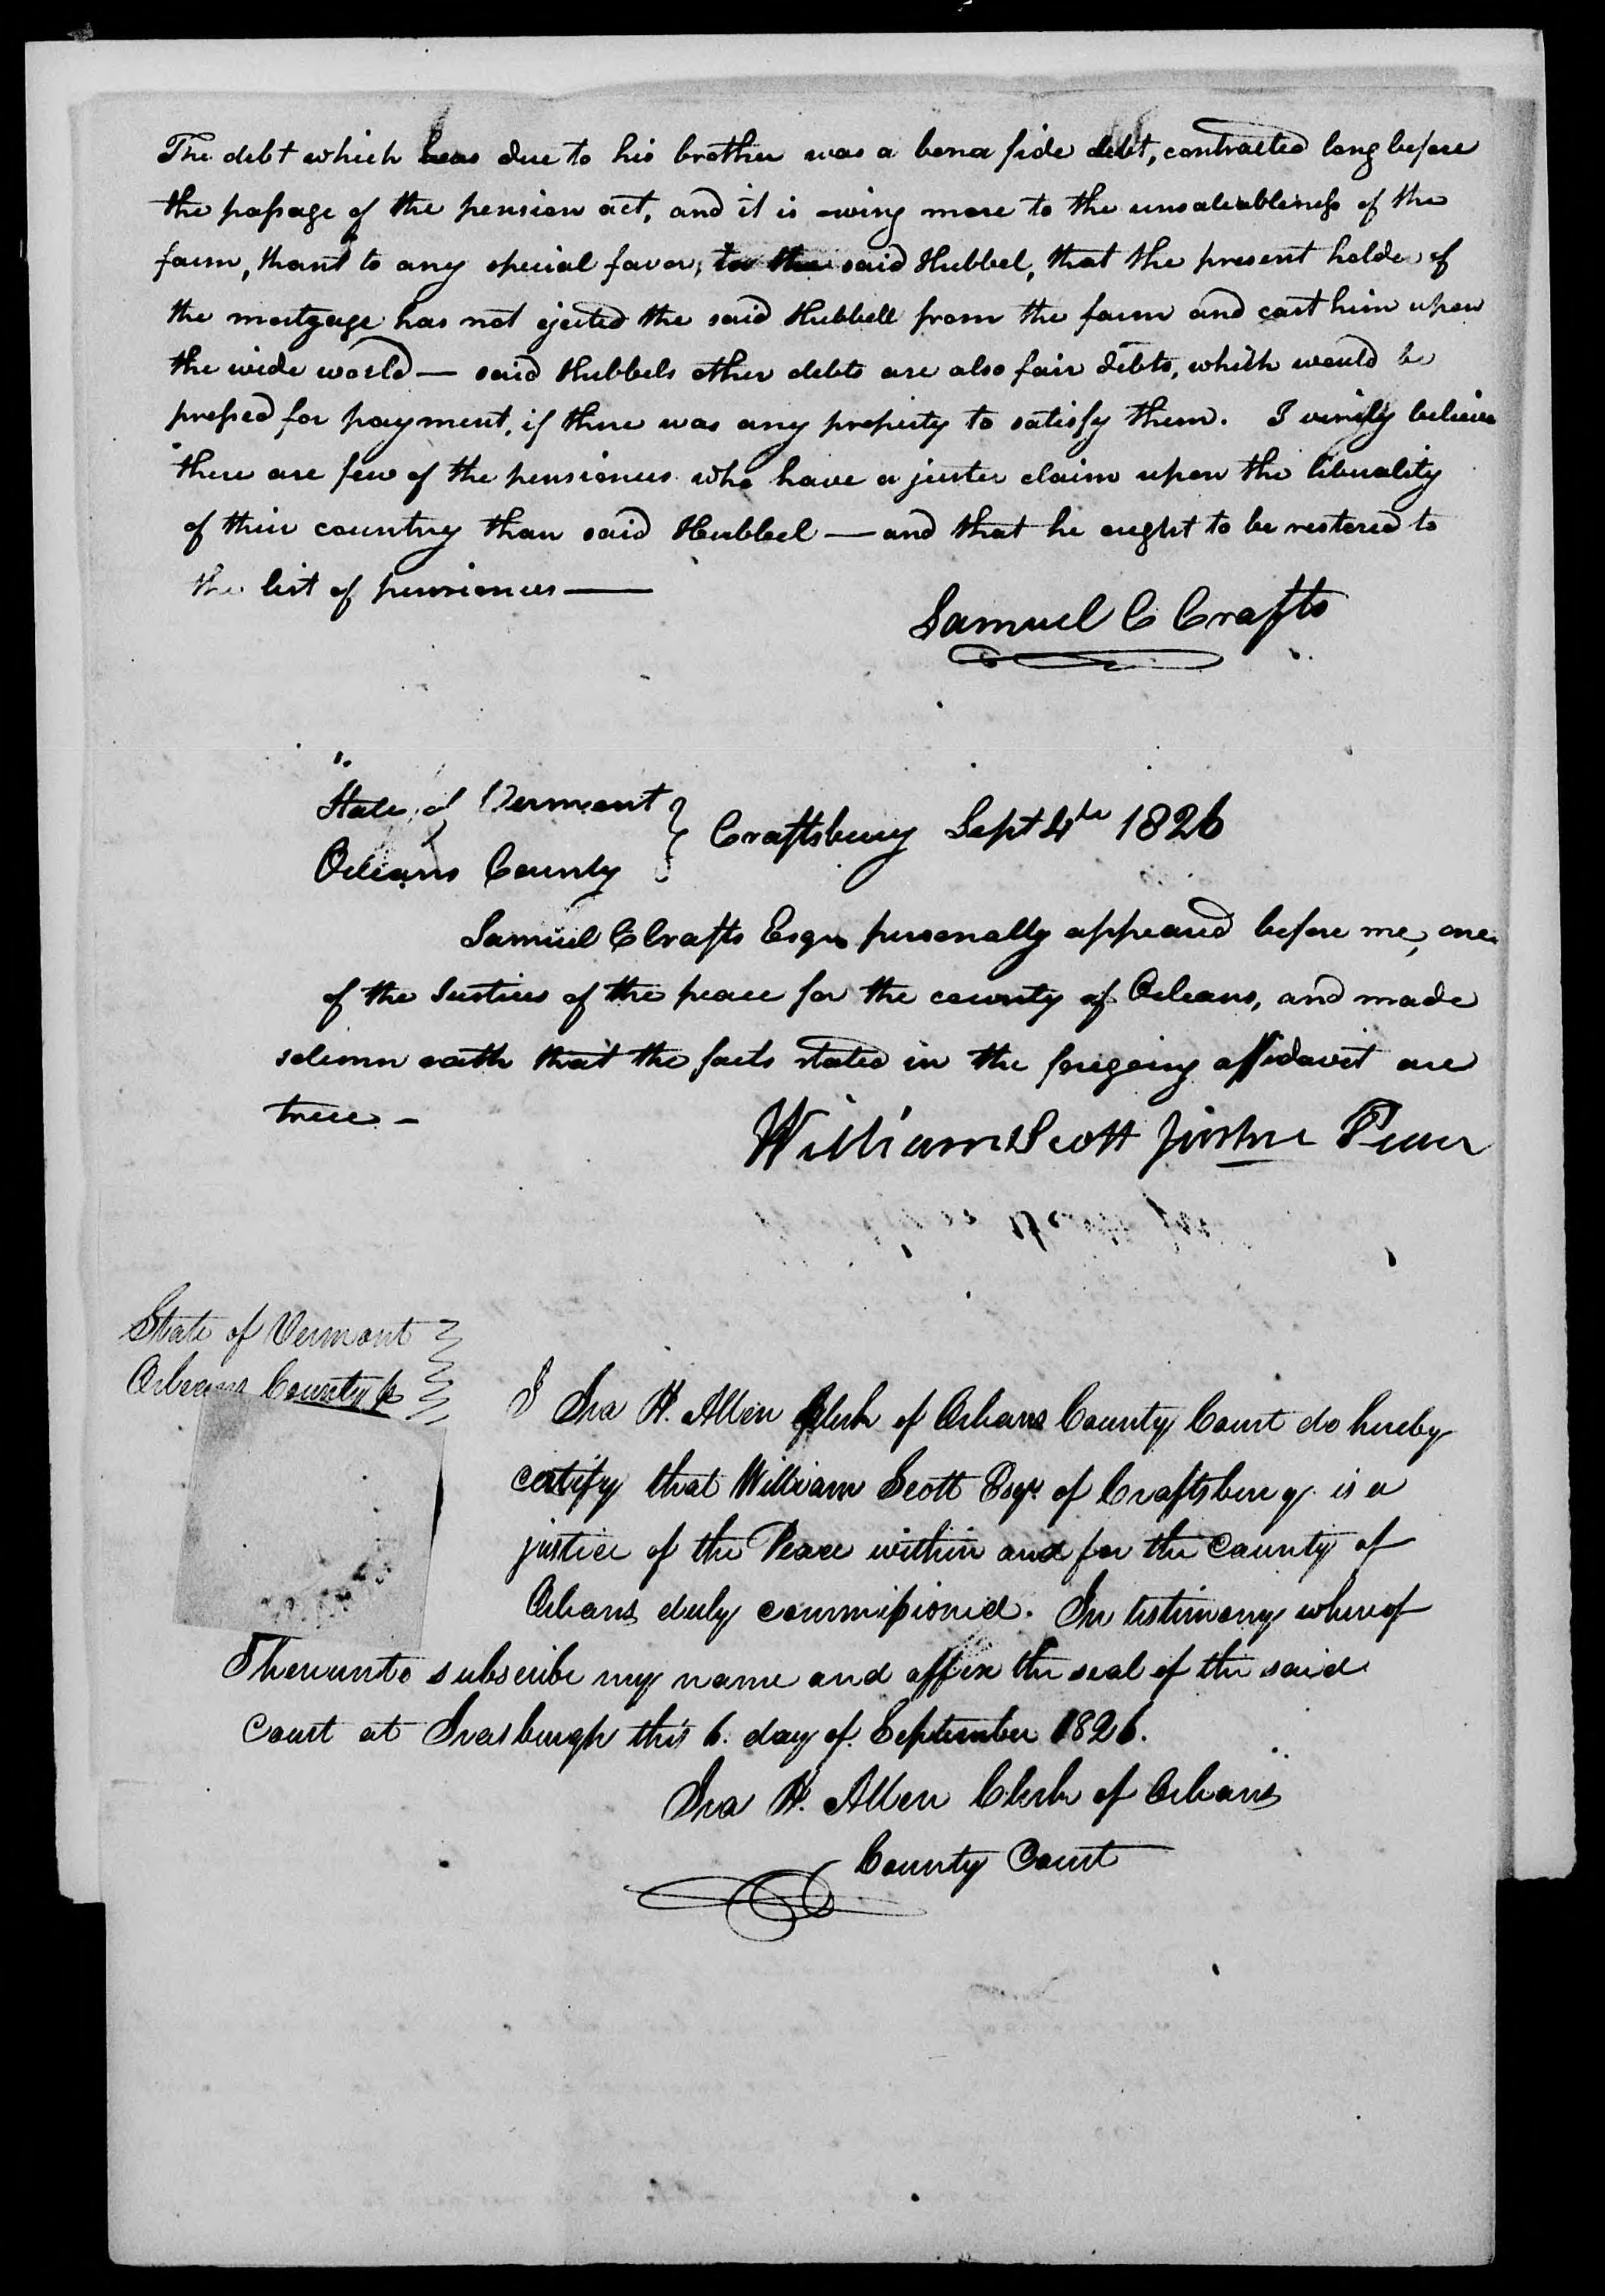The debt which was due to his brother was a bona fide [sic] debt, contracted long before the passage of the pension act, and it is owing more to the unsaleableness of the farm, than to an special favor for the said Hubbel [sic], that the present holder of the mortgage has not ejected the said Hubbell from the farm and cast him upon the wide world - said Hubbels [sic] other debts are also fair debts, which would be pressed for payment , if there was any property to satisfy them.  I verily believe there are few of the pensioners who have a juster claim upon the liability of their country than said Hubbel - and that he ought to be restored to the list of pensioners. 
Samuel C Crafts

State of Vermont]
Orleans County}  Craftsbury Sept 4th 1826

Samuel C Crafts Esq personally appeared before me, one of the Justices of the Peace for the county of Orleans, and made solemn oath that the facts stated in the foregoing affidavit are true - 

William Scott Justice Peace

State of Vermont}
Orleans County ss}  

I Ira H. Allen clerk of Orleans County Court do hereby certify that William Scott Esq. of Craftsbury is a justice of the Peace within and for the County of Orleans duly commissioned. In testimony whereof I hereunto subscribe my name and affix the seal of the said Court at Irasburgh this 6 day of September 1826.

Ira H. Allen Clerk of Orleans
County Court

Note:  A stamp lower right of page has been covered over.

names: Ira H Allen, Samuel C Crafts, Hubbell, William Scott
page: 110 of 114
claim: widow's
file: W. 2115, Seth Hubbell, Conn.